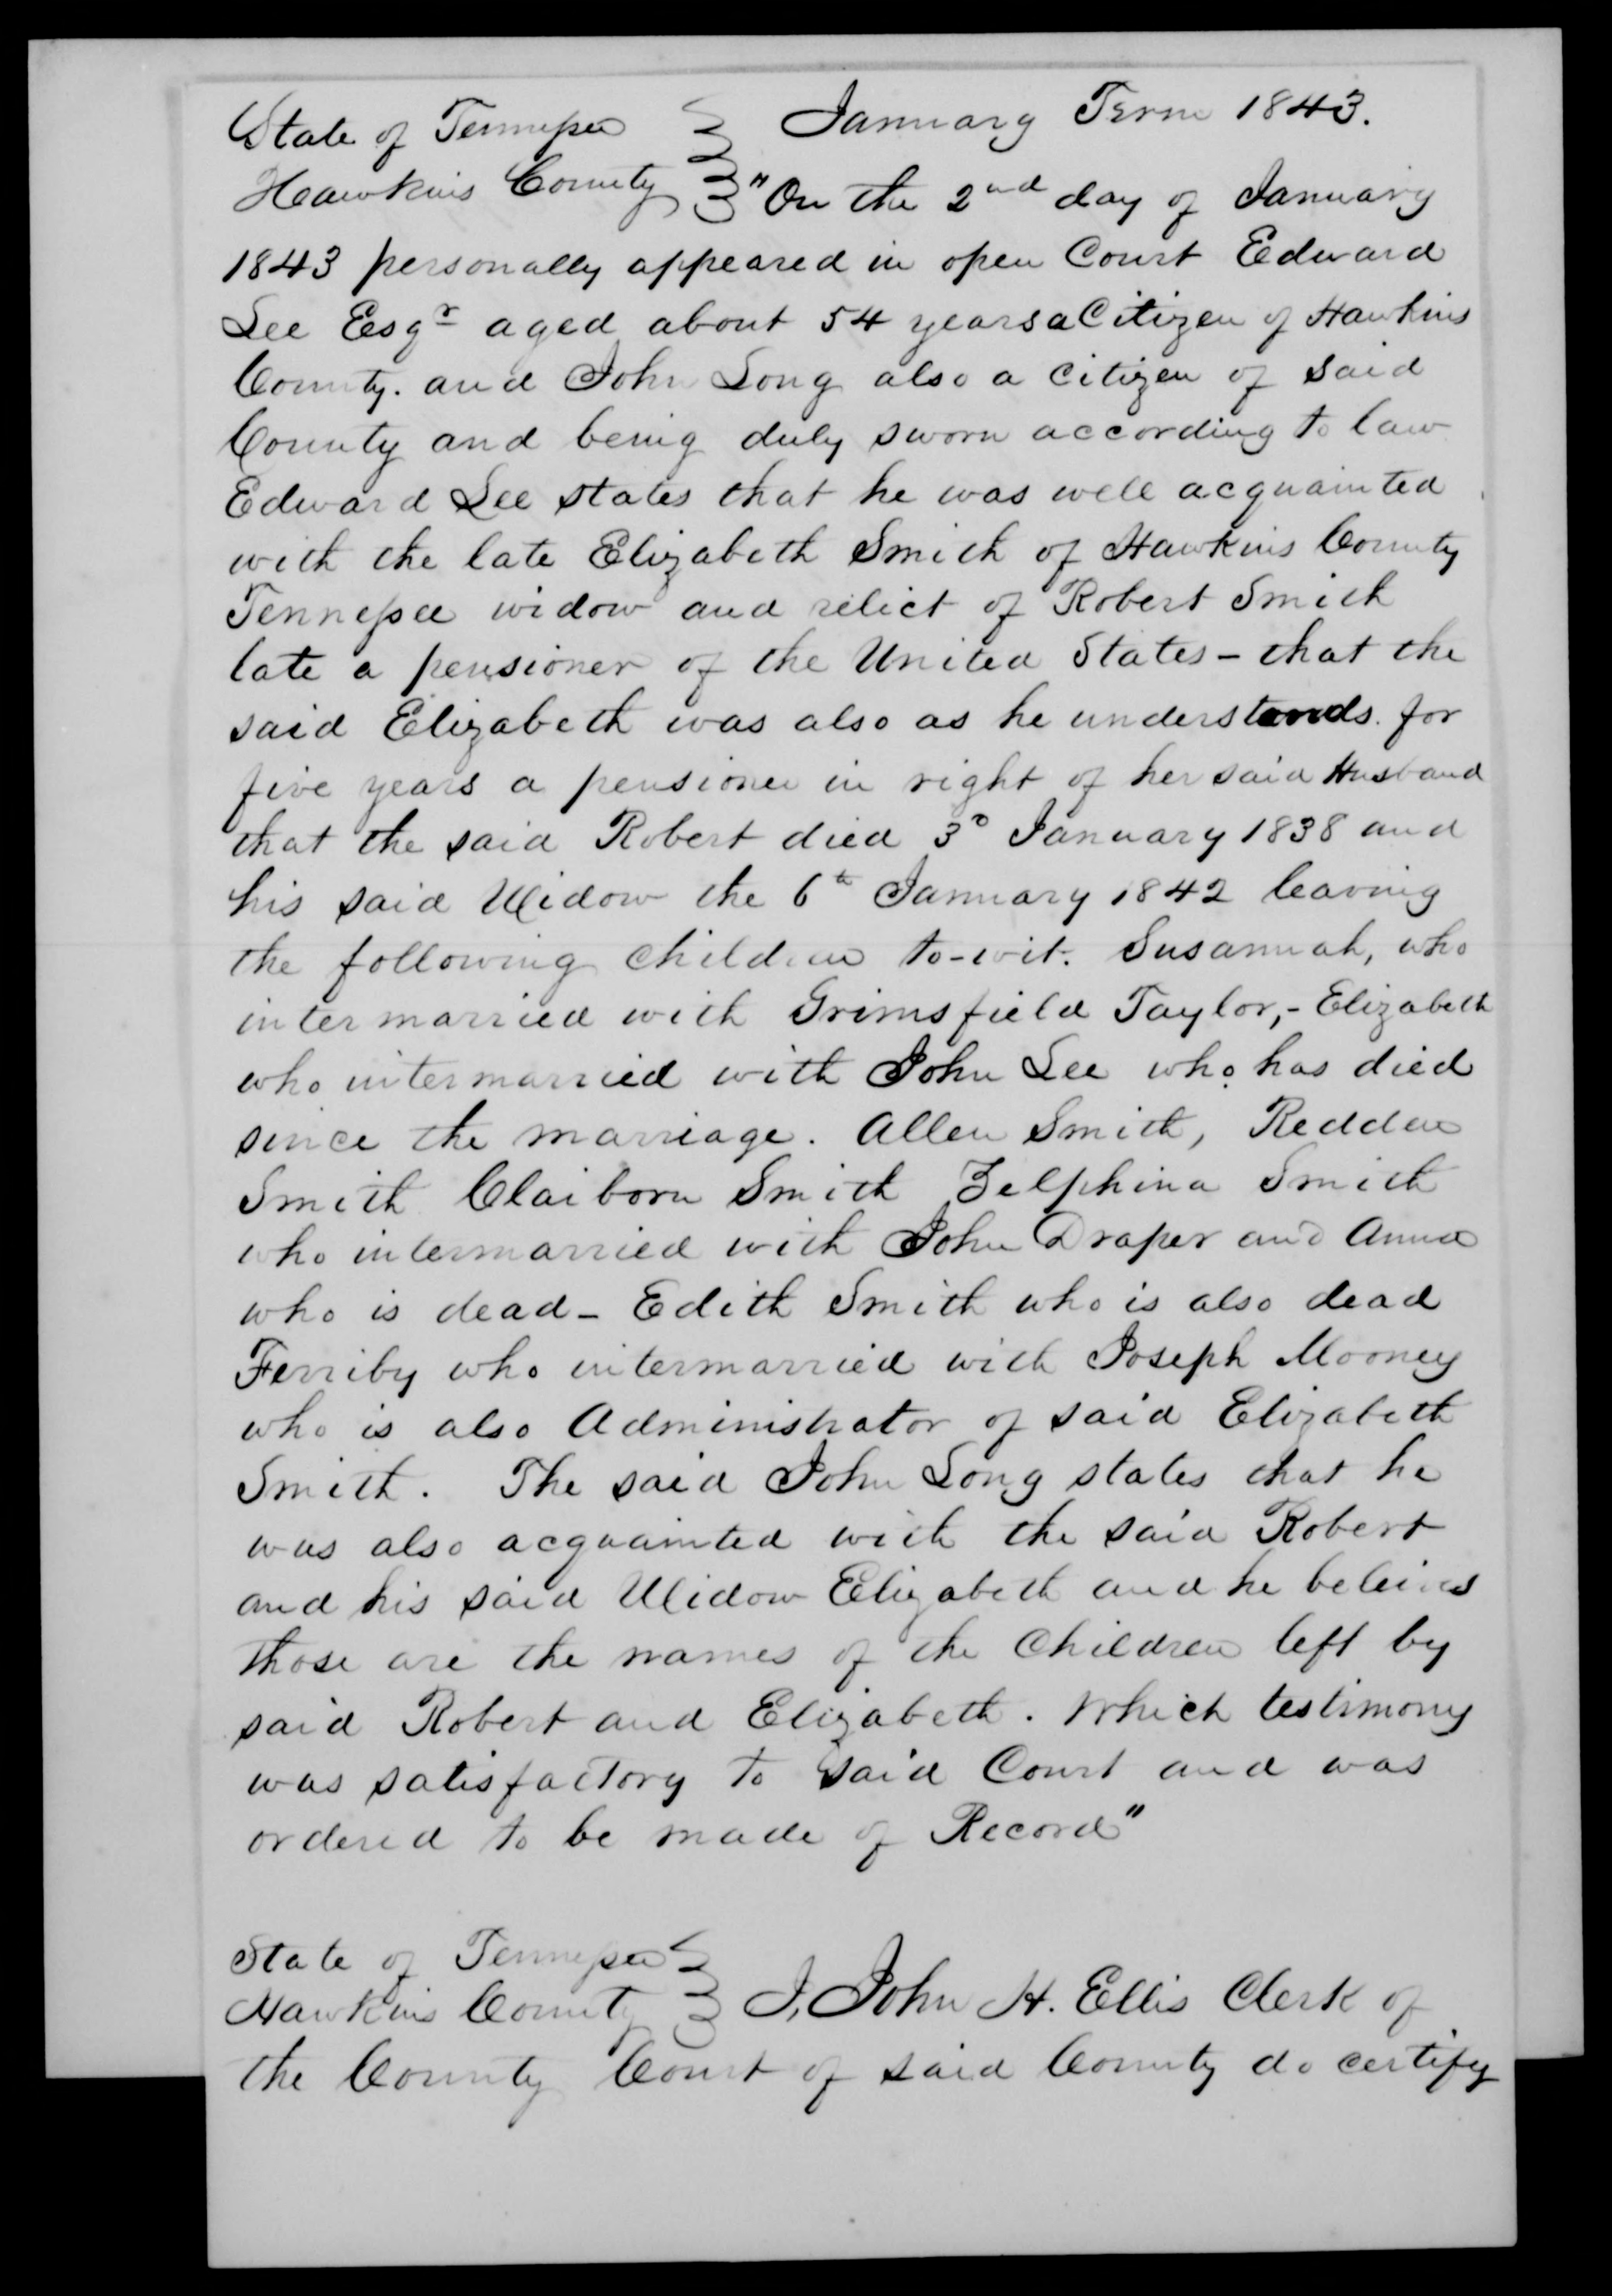State of Tennessee
Hawkins County } January Term 1843
On the 2nd day of January 1843 personally appeared in open court Edward Lee Esqr aged about 54 years a citizen of Hawkins County and John Long also a citizen of said county and being duly sworn according to law Edward Lee states that he was well acquainted with the late Elizabeth Smith of Hawkins County Tennessee widow and relict of Robert Smith late a pensioner of the United States that the said Elizabeth was also as he understands for five years a pensioner in right of her said husband that the said Robert died 3d January 1838 and his said widow the 6th January 1842 leaving the following children to wit Susannah who intermarried with Grimsfield Taylor, Elizabeth who intermarried with John Lee who has died since the marriage Allen Smith, Redden Smith Claiborn Smith Zelphina Smith who intermarried with John Draper and Anna who is dead - Edith Smith who is also dead Ferriby who intermarried with Joseph Mooney who is also Administrator of said Elizabeth Smith The said John Long states that he was also acquainted with the said Robert and his said widow Elizabeth and he believes those are the names of the children left by said Robert and Elizabeth which testimony was satisfactory to said court and was ordered to be made of Record

State of Tennessee
Hawkins County } I John H Ellis clerk of the county court of said county do certify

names: Joseph Mooney; Edith Smith; John Lee; John Draper; Robert [BLANK]; Grimsfield Taylor; Anna [BLANK]; Edward Lee; Robert Smith; Edward Lee; Zelphina Smith; Elizabeth [BLANK]; Elizabeth [BLANK]; Redden Smith; Susannah [BLANK]; Robert [BLANK]; Elizabeth [BLANK]; Elizabeth Smith; Claiborn Smith; Elizabeth Smith; John H Ellis; John Long; Elizabeth [BLANK]; Allen Smith; Robert [BLANK]; Ferriby [BLANK]; John Long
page: 21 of 79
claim: widow's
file: W. 1504, for Robert Smith, North Carolina